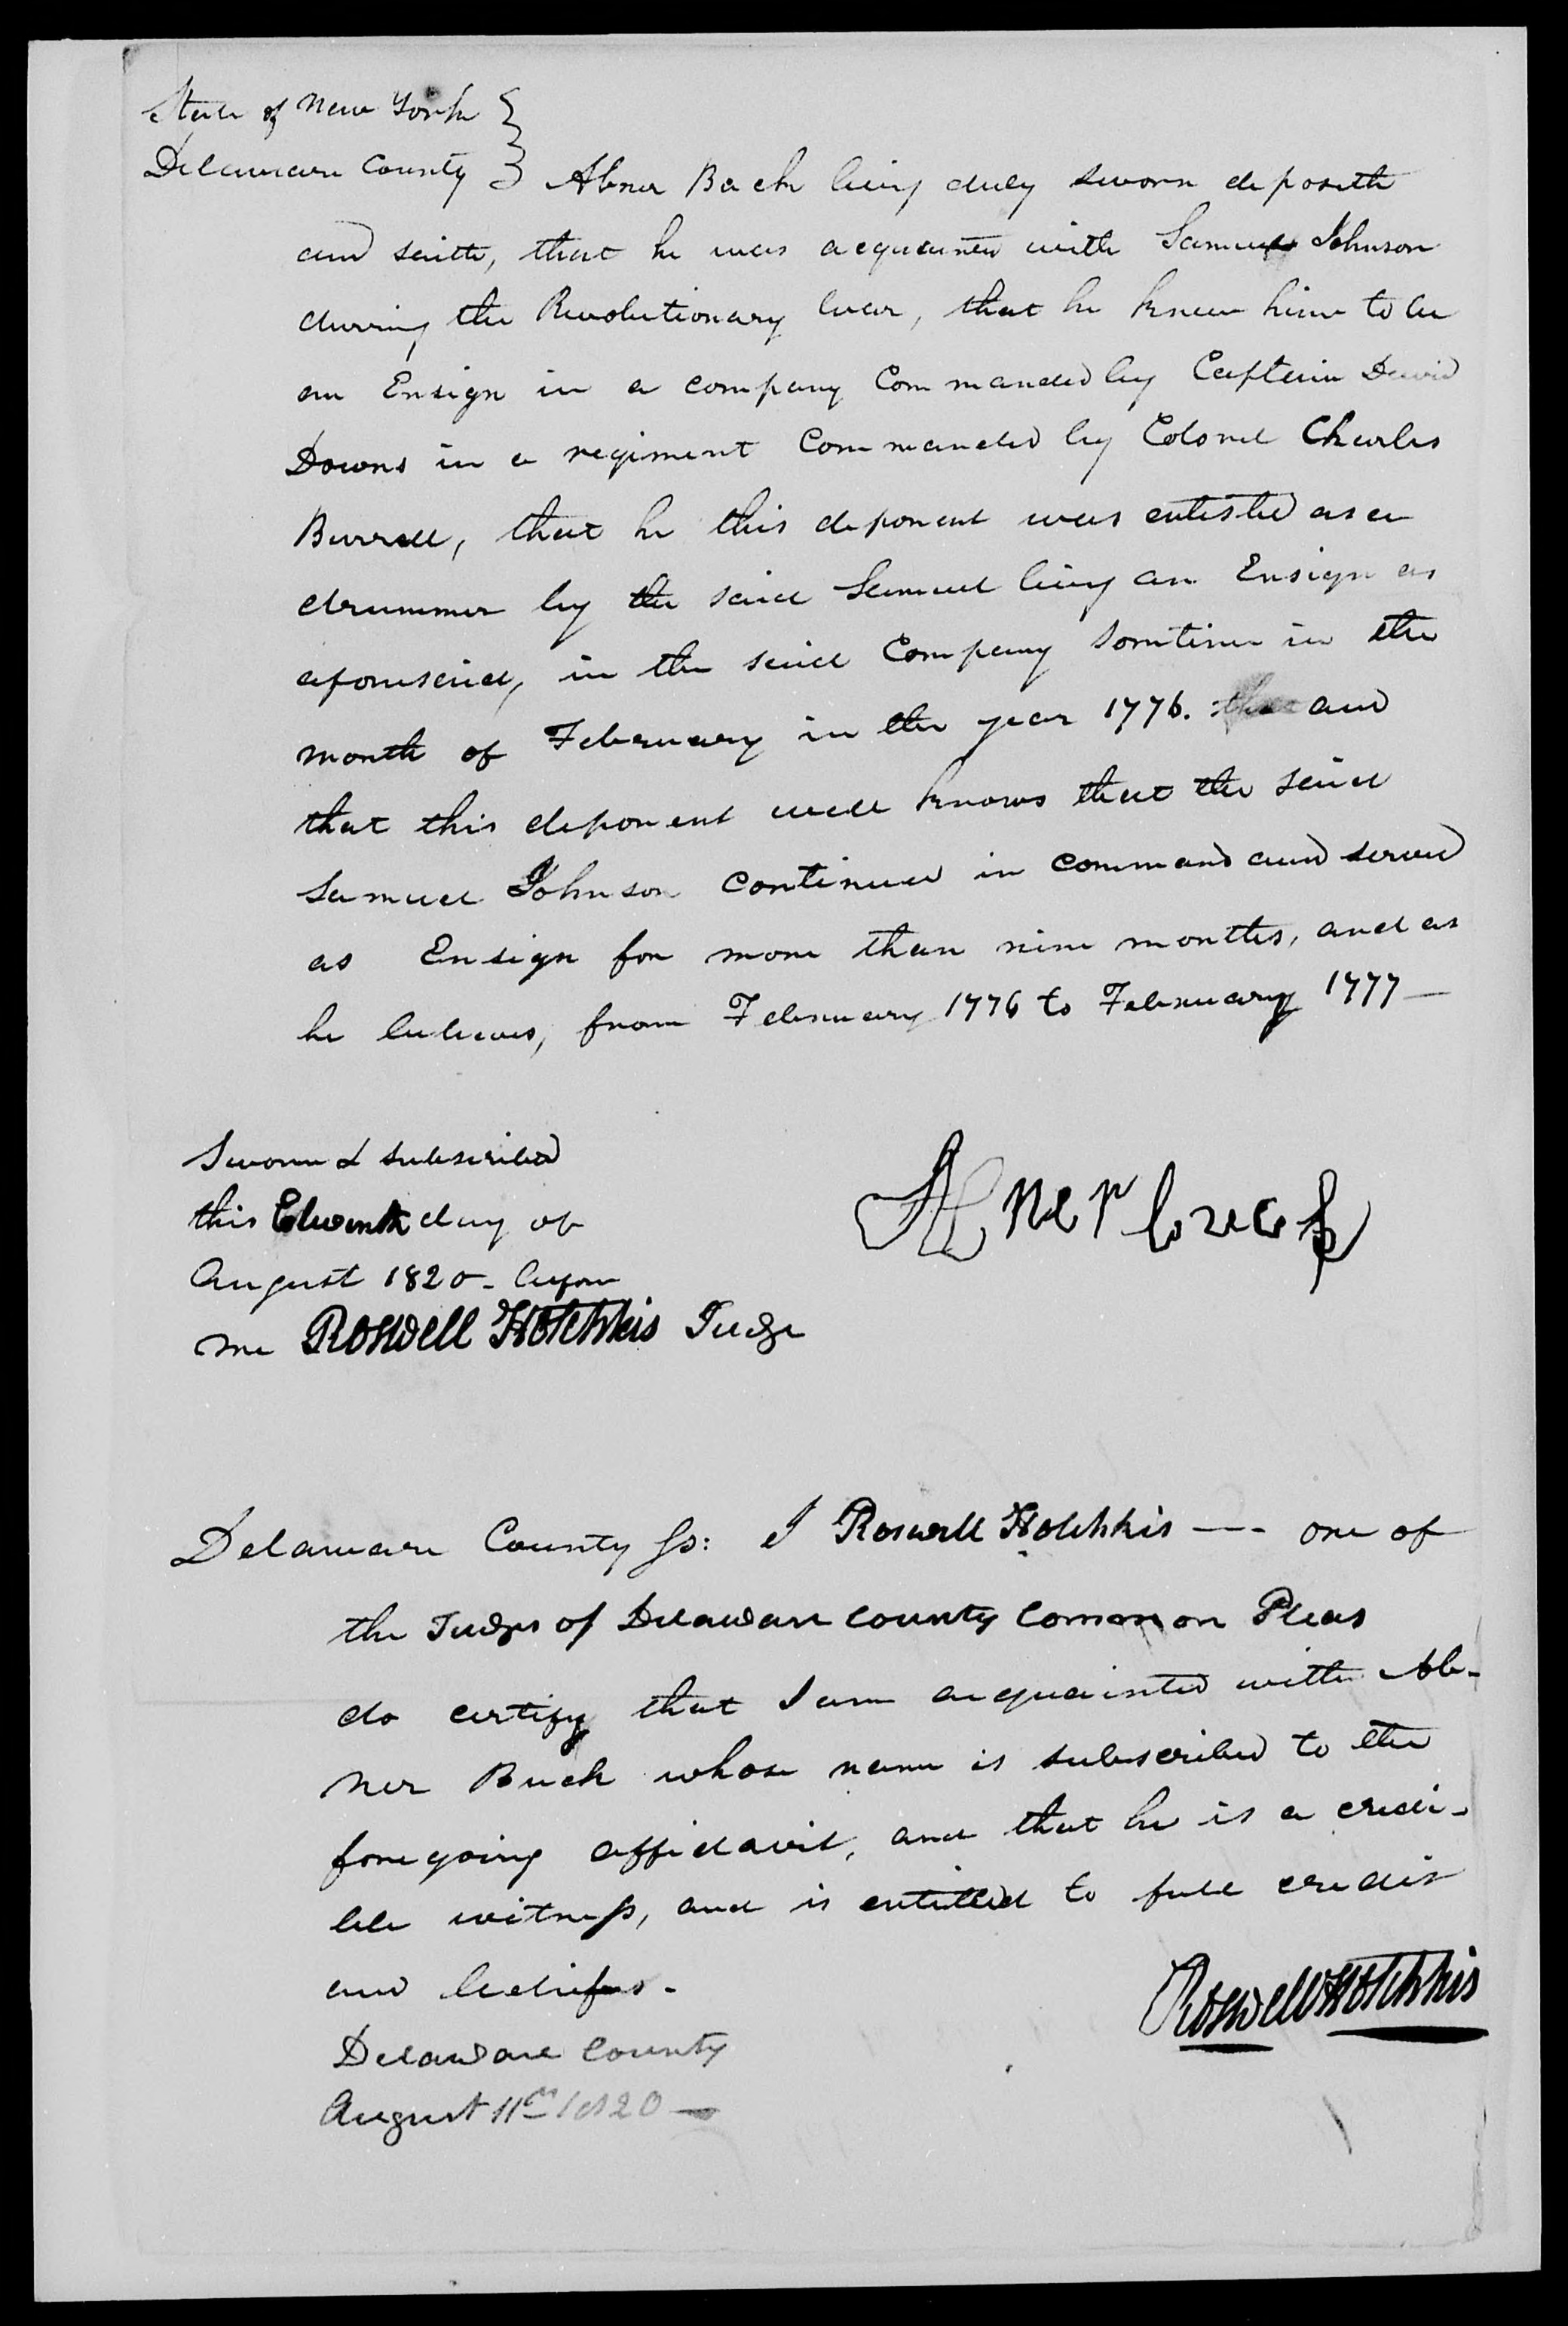State of New York 
Delaware County } Abner Back being duly sworn deposeth and saith, that he was acquainted with Samuel Johnson during the Revolutionary war, that he knew him to be an Ensign in a company commanded by Captain David Downs in a regiment commanded by Colonel Charles Burrell, that he this deponent was enlisted as drummer by the said Samuel being an Ensign as aforesaid, in the said Company sometime in the month of February in the year 1776, the and that this deponent well knows that the said Samuel Johnson continued in command and served as Ensign for more than nine months, and at he believes, from February 1776 to February 1777.   
Abner Buck
Sworn & subscribed this Eleventh day of August 1820 before me 
Roswell Hotchkis Judge
Delaware County ss. I Roswell Hotchkis one of the Judges of Delaware County Common Pleas do certify that I am acquainted with Abner Buck whose name is subscribed to the foregoing affidavit and that he is a credible witness, and is entitled to full credit and belief 
Delaware County 
August 11th 1820
Roswell Hotchkis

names: Samuel Johnson; Roswell Hotchkis; Charles Burrall; Abner Back; David Downs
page: 39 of 43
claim: rejected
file: R. 5655, for Samuel Johnson, Connecticut